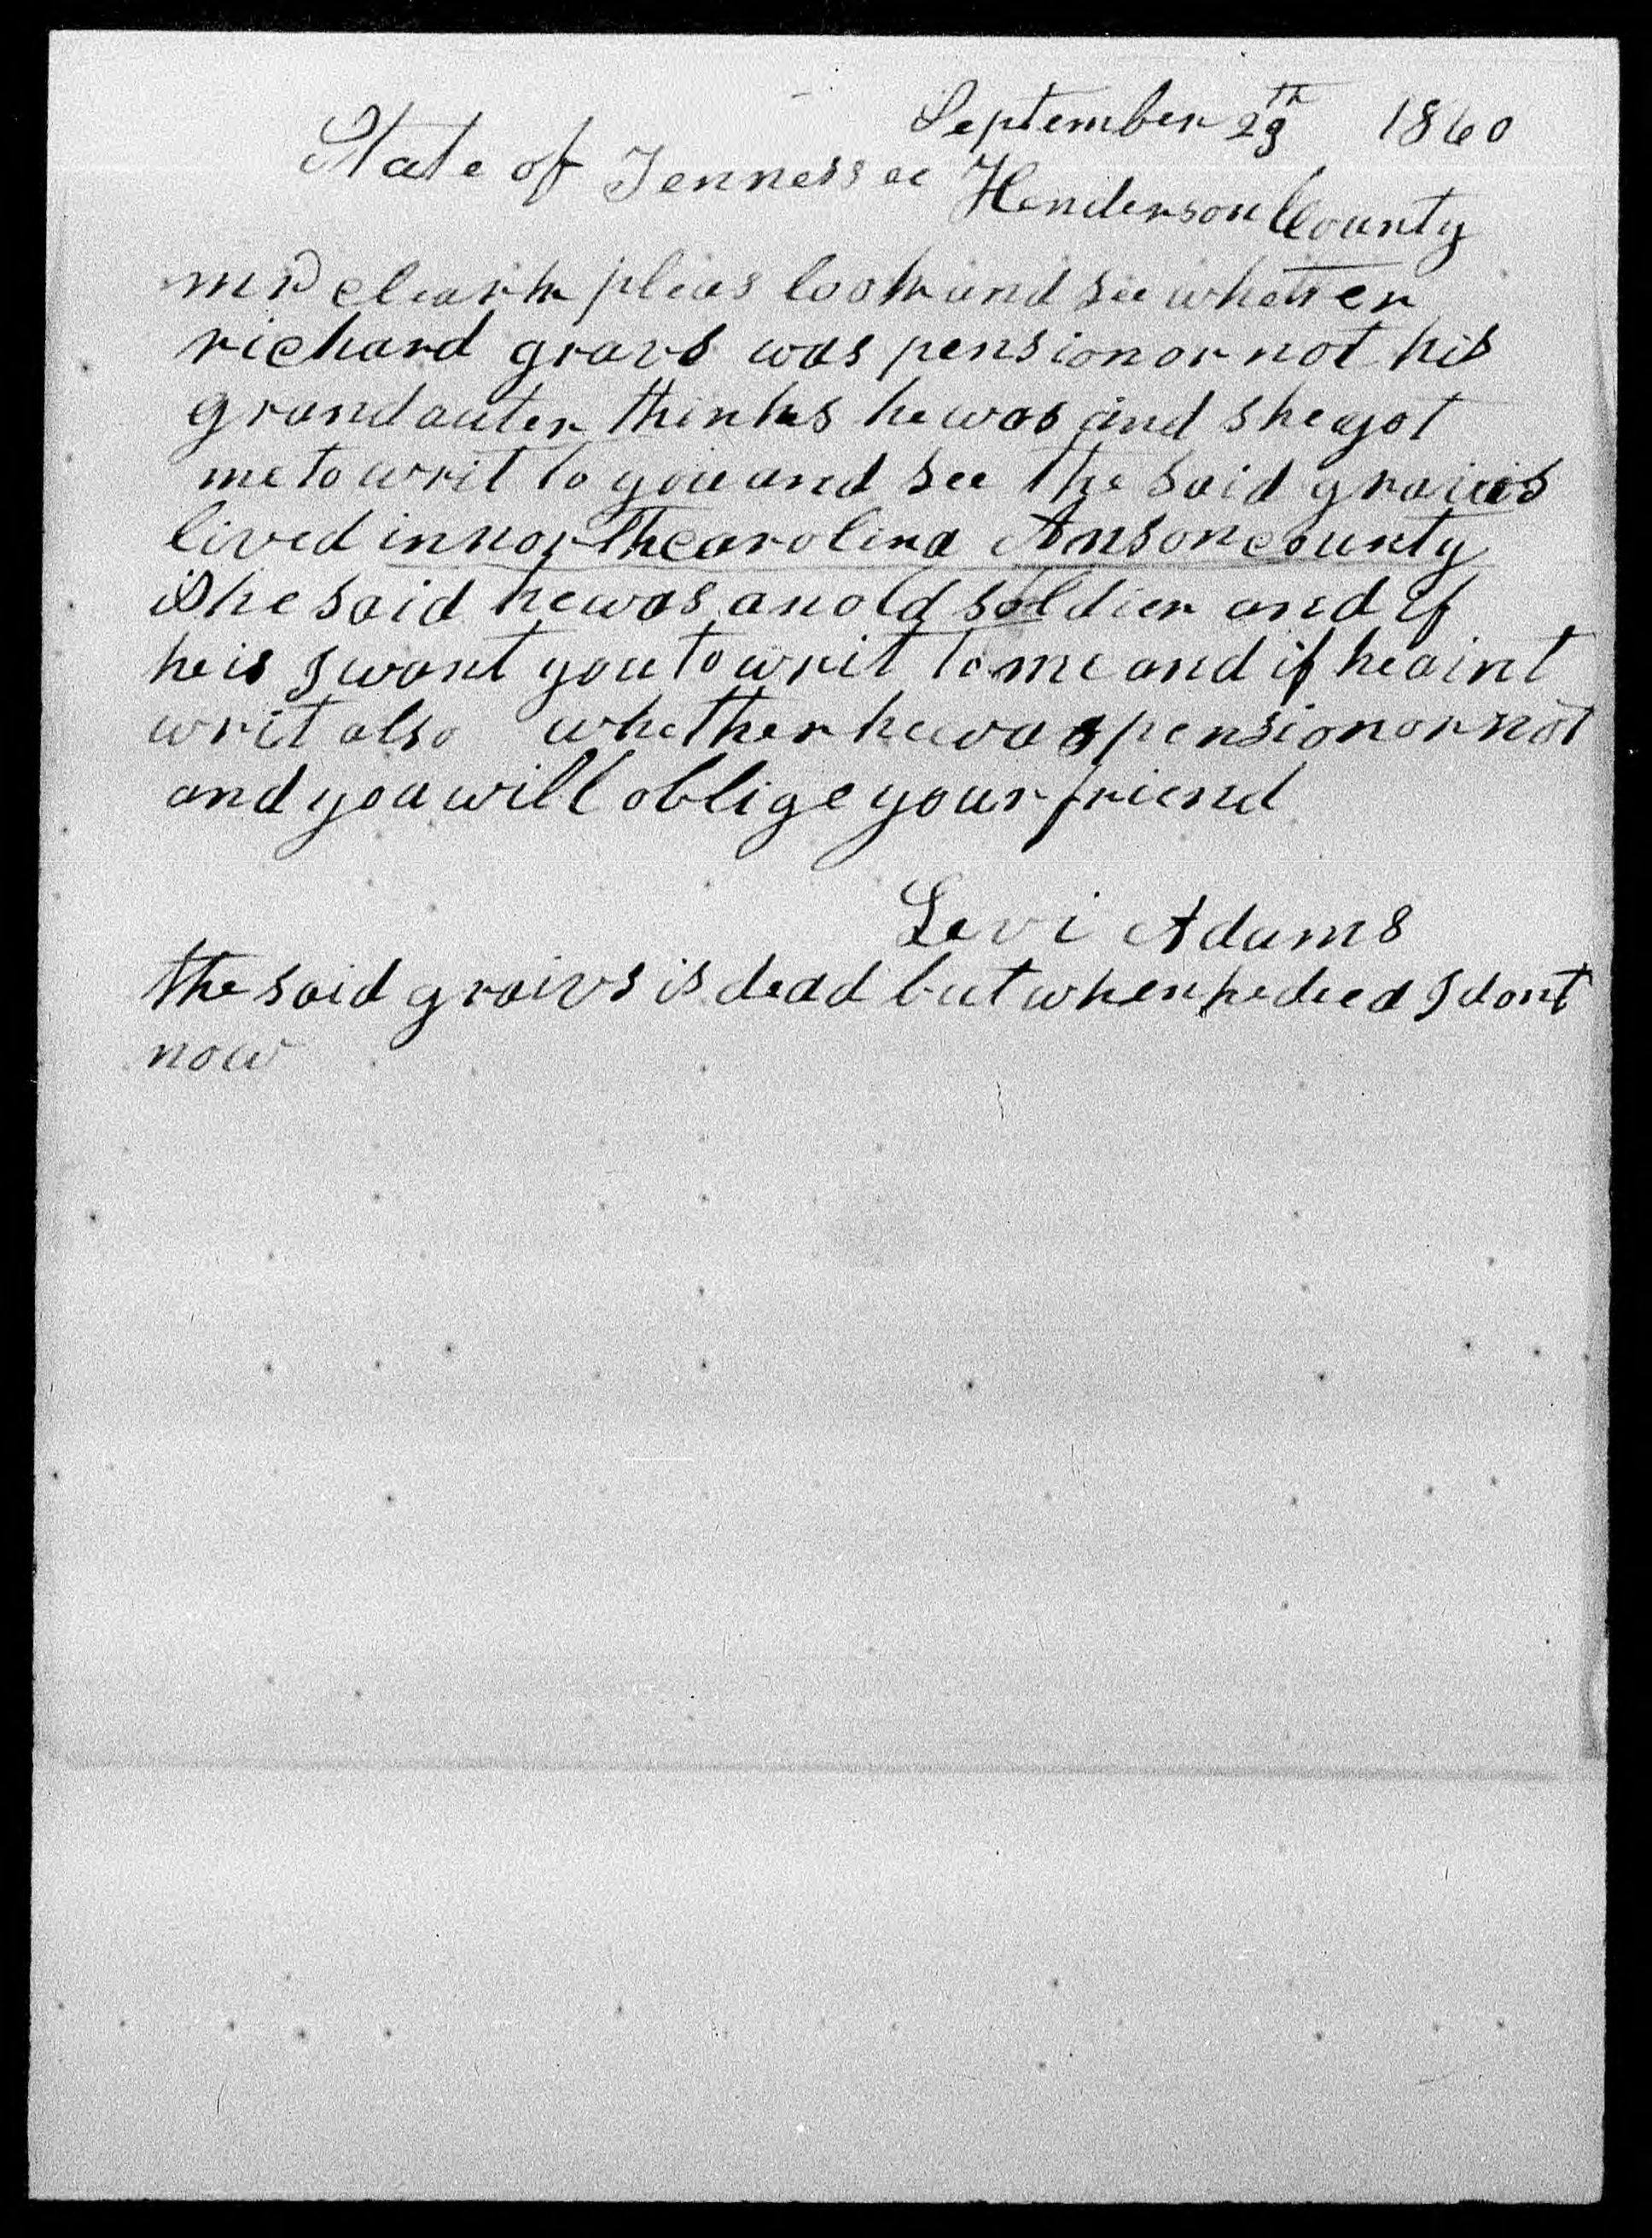September 23th 1860

State of Tennessee Henderson County

Mr. Cl[????] [????]  look and see whatrer
Richard Gravs was pension or not his grandauter thinks he was and she got me to writ to you and see the said graves lived in north carolina Anson County she said he was an old soldier and if he aint writ also whether he was pension or not and you will oblige your friend
Levi Adams
the said graivs is dead but when he died I dont now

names: Levi Adams, Graves, Graivs, Richard Gravs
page: 15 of 15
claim: survivor's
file: S. 8598, Richard Graves, S.C.